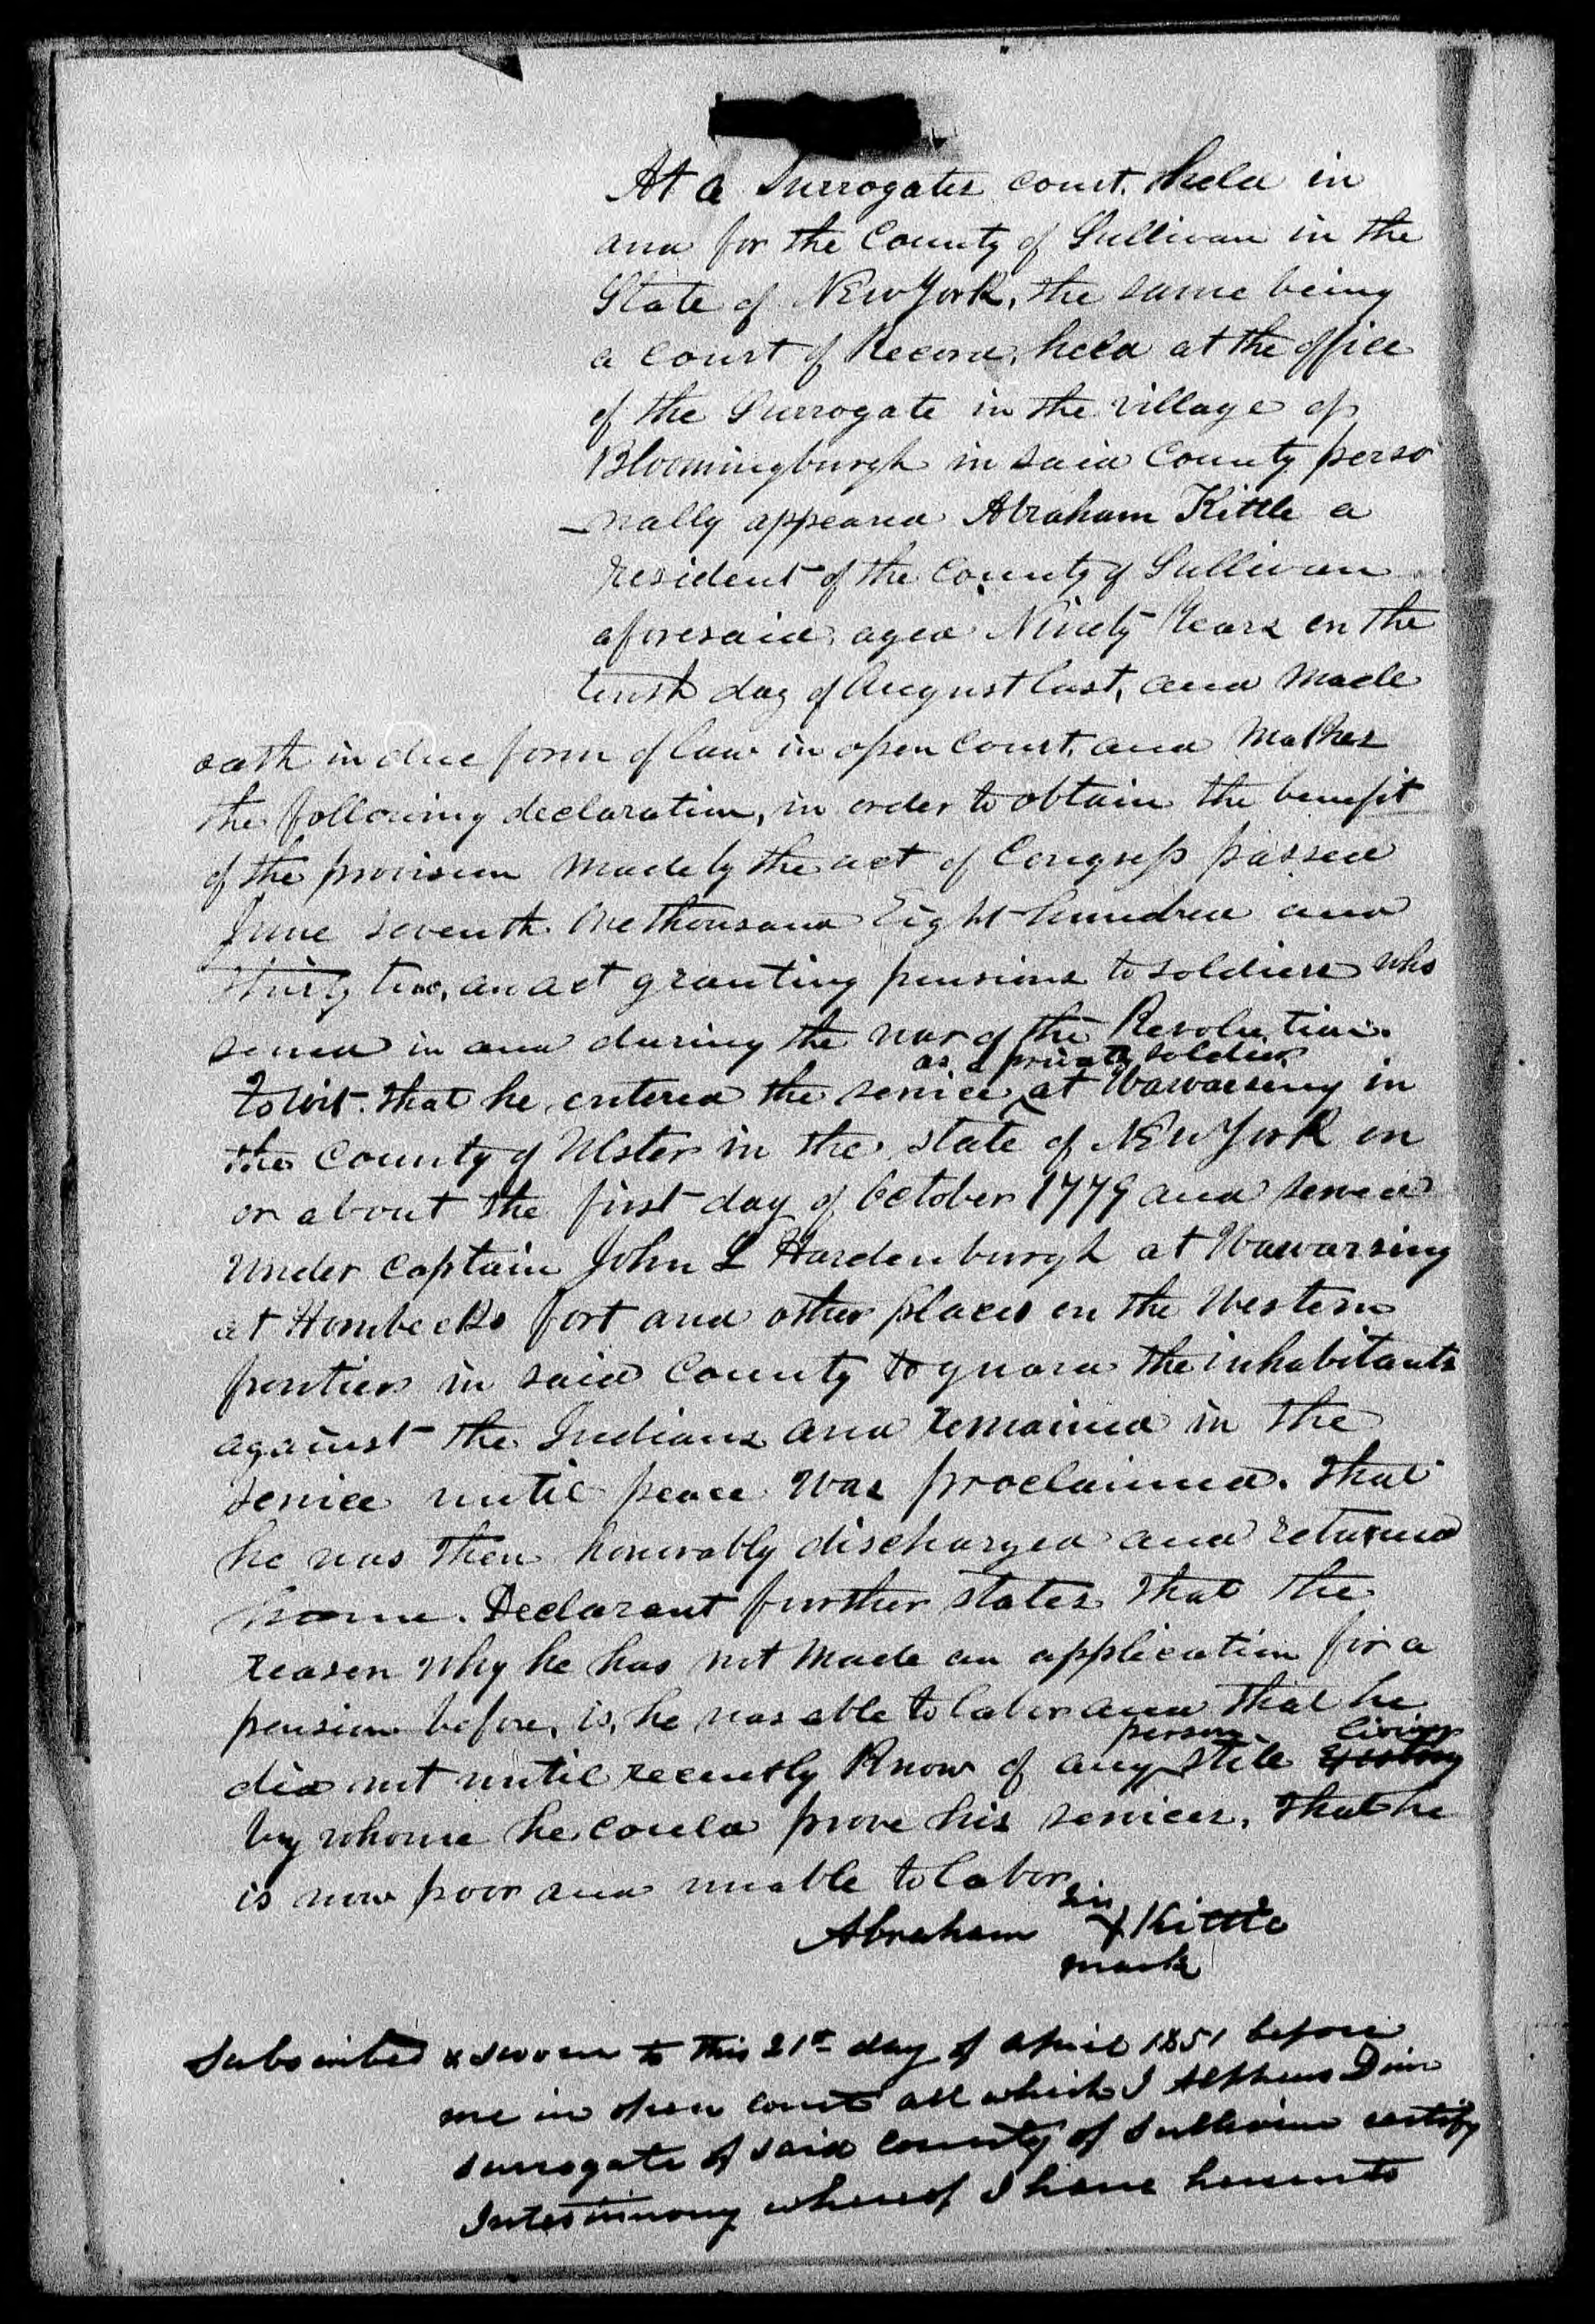At a Surrogates Court held in and for the County of Sullivan in the State of New York, the same being a Court of Record, held at the office of the Surrogate in the village of Bloomingburgh in said County personally appeared Abraham Kittle a resident of the County of Sullivan aforesaid, aged Ninety years in the tenth day of August last, and made oath in due form of law in open Court, and makes the following declaration, in order to obtain the benefit of the pension made by the act of Congress passed June seventh one thousand Eight hundred and thirty two, an act granting pensions to soldier who served in and during the war of the Revolution 
to wit that he entered the service at Warwarsing in the County of Ulster in the State of New York in or about the first day of October 1779 and served under Captain John L Hardenburgh at Wawarsing at Hombecks fort and other places on the Western frontiers in said County to guard the inhabitants against the Indians and remained in the service until peace was proclaimed that he was then honorably discharged and returned home. Declarant further states that the reason why he has not made an application for a pension before is, he was able to labor and that he did not until recently know of any person still living by whom he could prove his services,
That he is now poor and unable to labor. Abraham his mark Kittle
Subscribed & sworn to this 21st day of April 1851 before me in open court all which I then in Surrogate of said County of Sullivan certify testimony whereof I have hereunto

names: Abraham Kittle; John L Hardenburgh; Alpheus Davis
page: 4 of 18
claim: rejected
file: R. 6002, for Abraham Kittle, New York